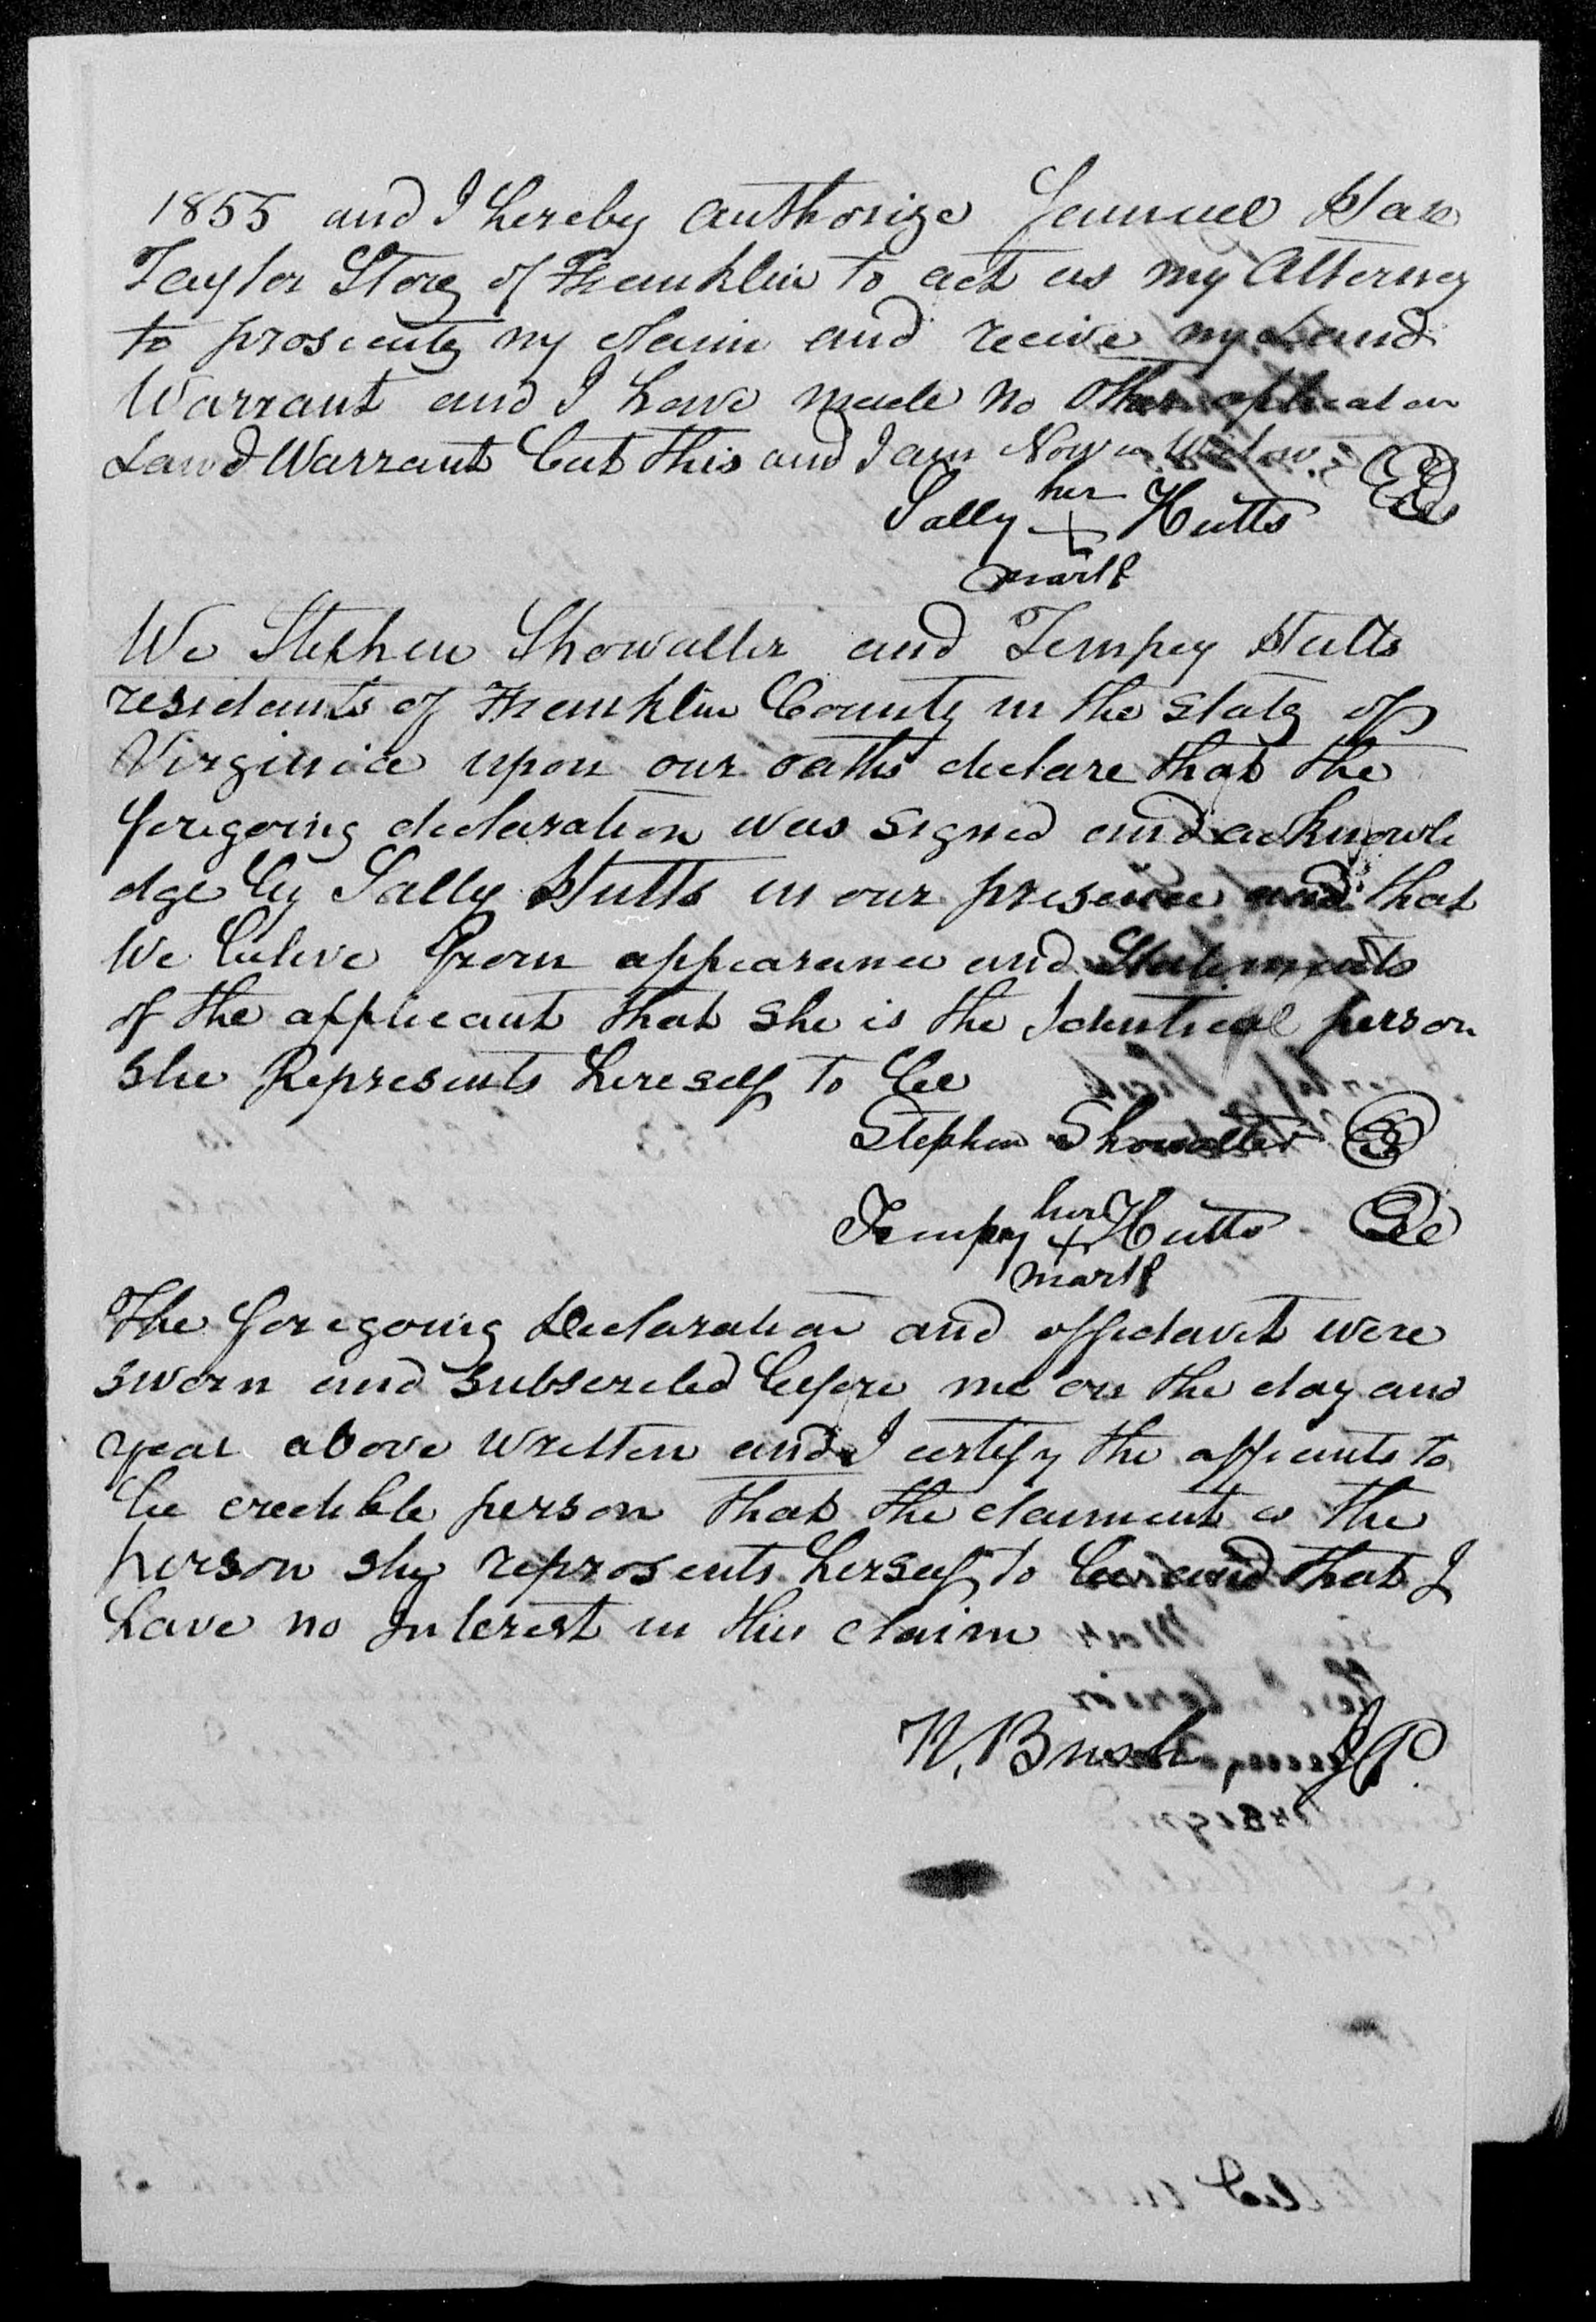1855 and I hereby authorize Samuel [Illegible] Taylor Story of Franklin to act as my attorney to prosecute my claim and receive my Land Warrant and I have made no other appeal for Land Warrant but this and I am now widowed.
Sally [her + mark] Hutts [Seal]

We Stephen Showalter and Temsey Hutts residents of Franklin County in the State of Virginia upon our oaths declare that the foregoing declaration was signed and acknowledged by Sally Hutts in our presence and that we believe from appearance and Statements of the applicant that she is the Identical person she represents herself to be.
Stephen Showalter [S]
Temsey [her + mark] Hutts [S]

The foregoing Declaration and affidavit were sworn and subscribed before me on the day and year above written and I certify the affiants to be credible person that the claimant is the person she represents herself to be and that I have no interest in this claim.
R. Bush JP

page: 10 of 33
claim: widow's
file: W. 550, for Leonard Hutts, Virginia